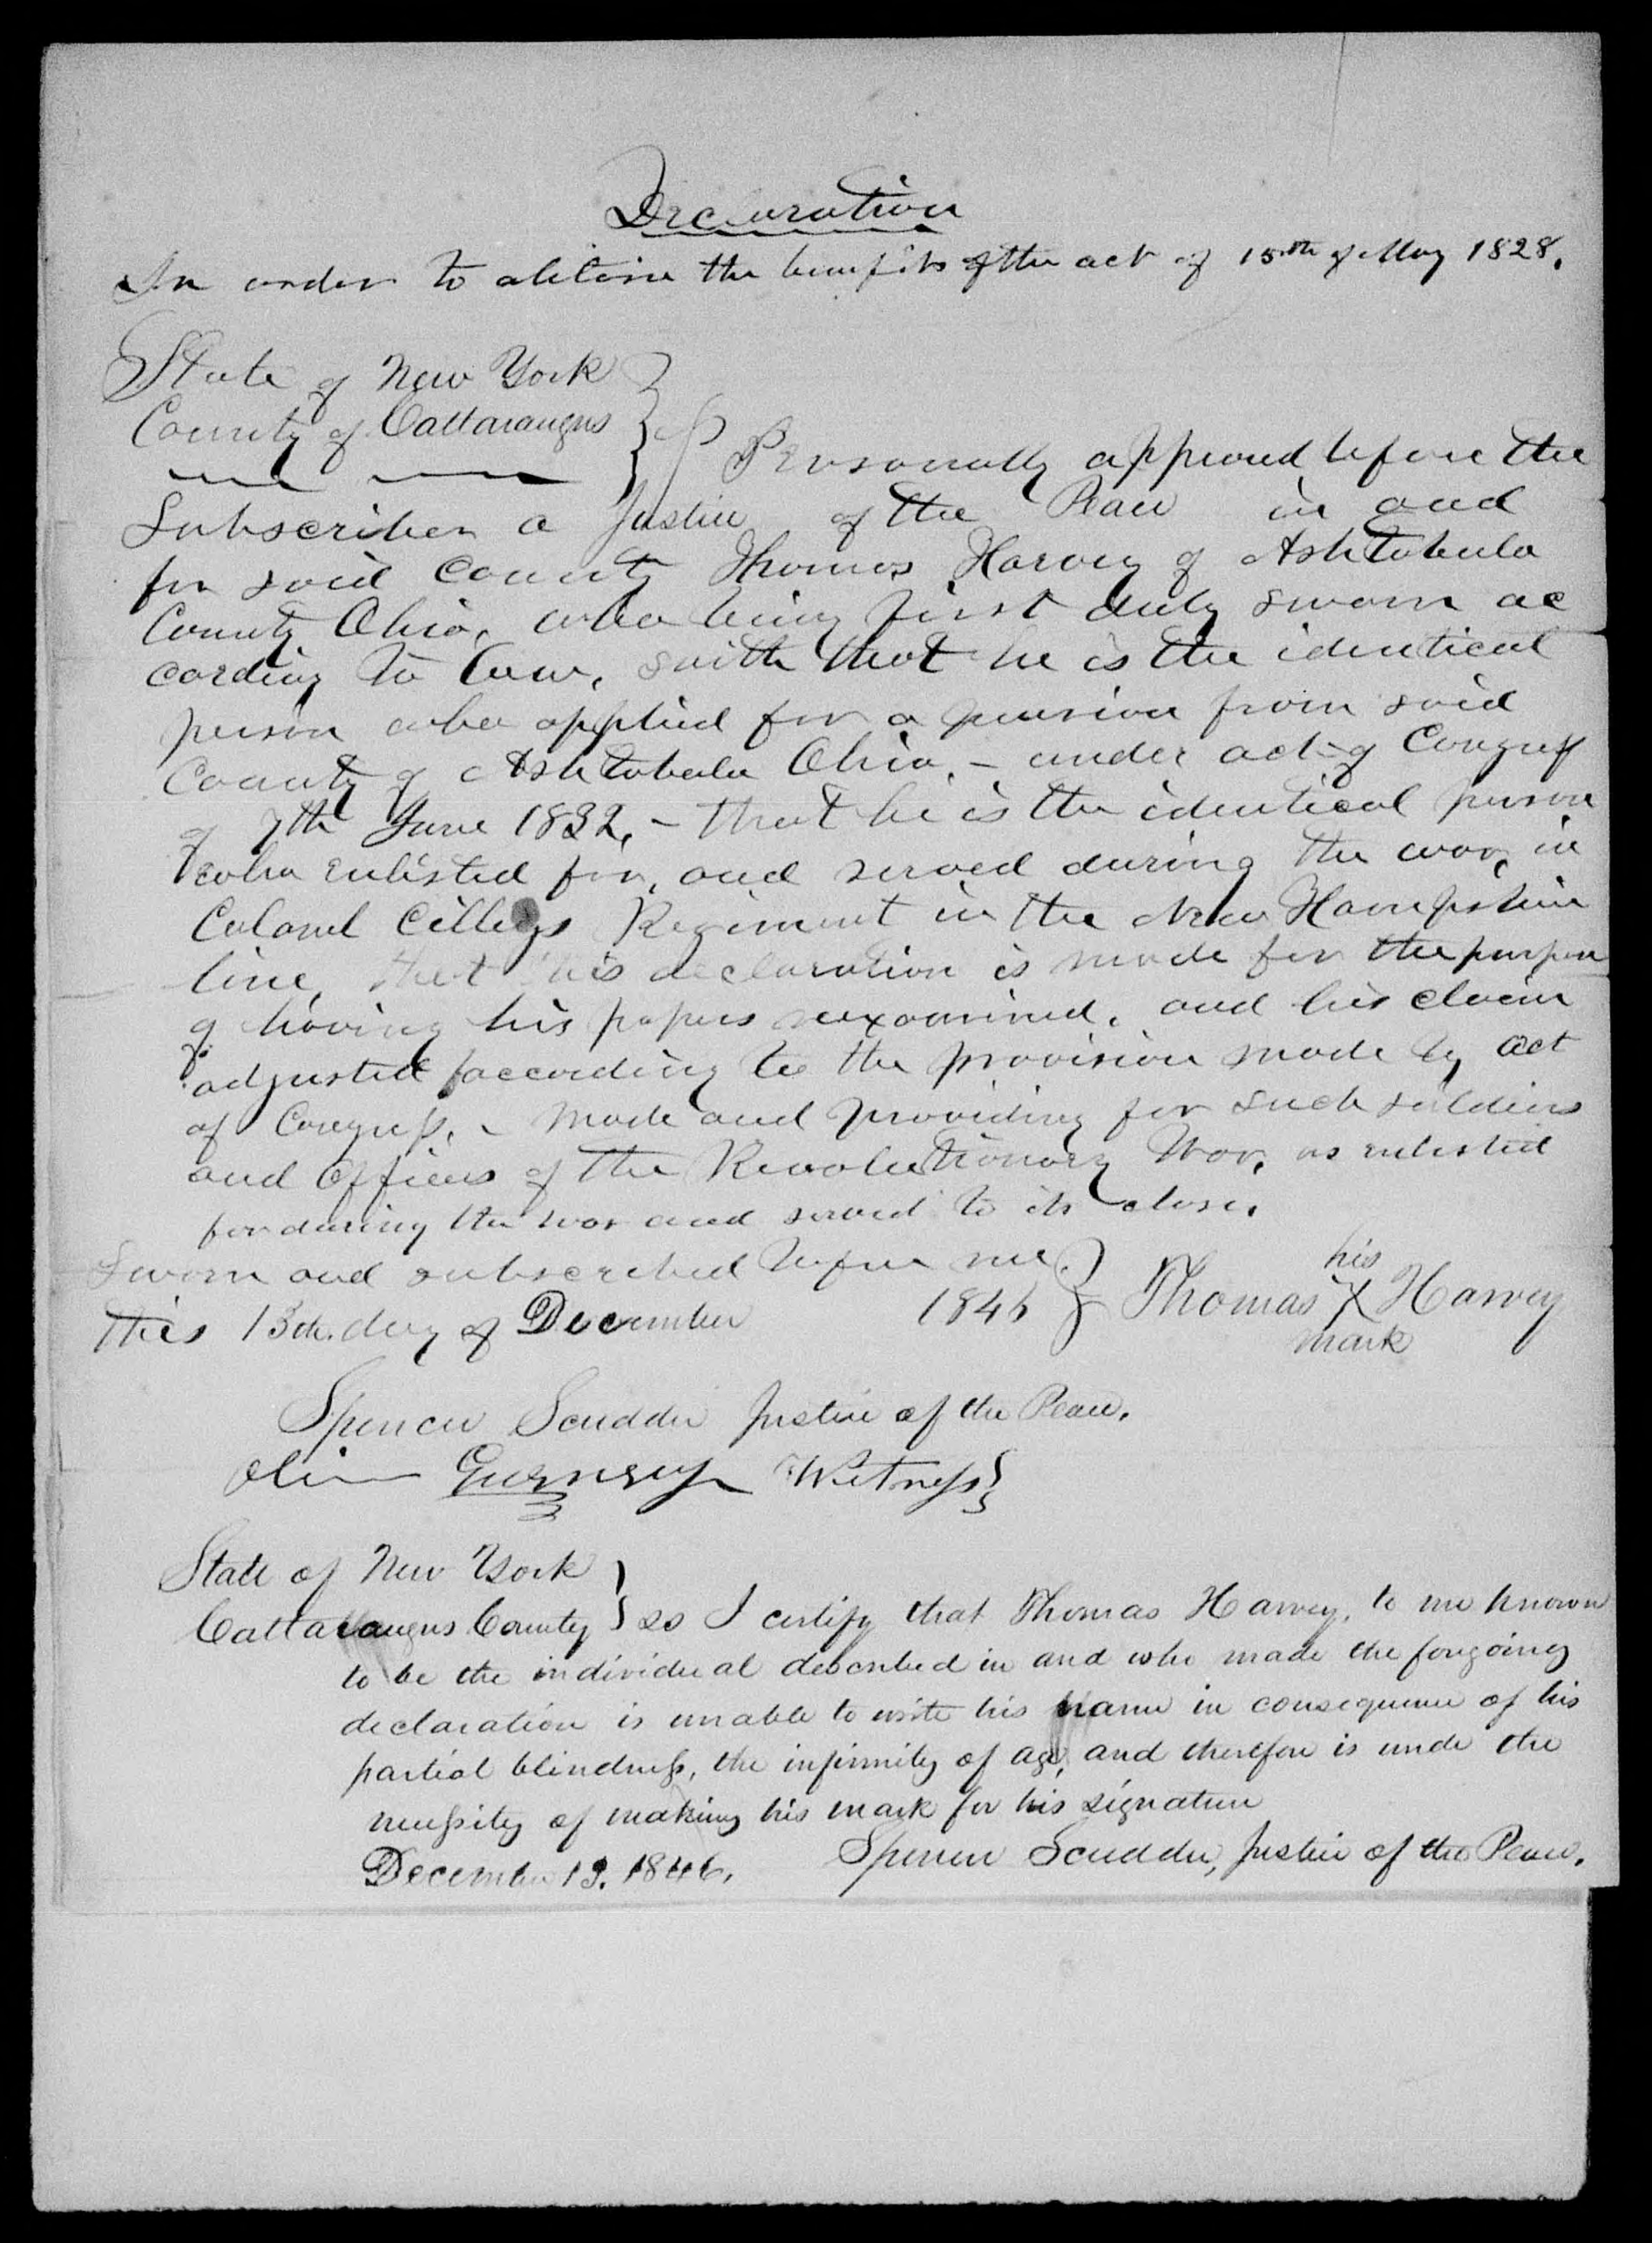Declaration
In order to obtain the benefit of the act of 15th of May 1828, 
State of New York
County of Cattaraugus} ss Personally appeared before the Subscriber a Justice of the Peace in and for said County Thomas Harvey of Ashtabula County Ohio, who being first duly sworn according to law, saith that he is the identical person who applied for a pension from said County of Ashtabula Ohio. - under act of Congress of 7th June 1832. - that he is the identical person who enlisted for, and served during the war in Colonel Cilley's Regiment in the New Hampshire line, that his declaration is made for the purpose of having his papers reexamined, and his claim adjusted according to the provision made by act of Congress, made and providing for such soldiers and Officers of the Revolutionary War, as enlisted for during the served to its close. 
/s/X his mark Thomas Harvey
Sworn and subscribed before me, this 13th day of December 1846}
/s/Spencer Scudder Justice of the Peace.
/s/Oliver Gurnsey Witness}
State of New York
Cattaraugus County} ss I certify that Thomas Harvey, to me known to be the individual described in and who made the foregoing declaration is unable to write his name in consequence of his partial blindness, the infirmity of age, and therefore is under the necessity of making his mark for his signature
December 13, 1846. /s/Spencer Scudder, Justice of the Peace.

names: Thomas Harvey, Spencer Scudder, Spencer Scudder, Thomas Harvey, Thomas Harvey, Oliv Gurnsey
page: 79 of 80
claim: survivor's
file: S. 18008, Thomas Harvey, N.H.